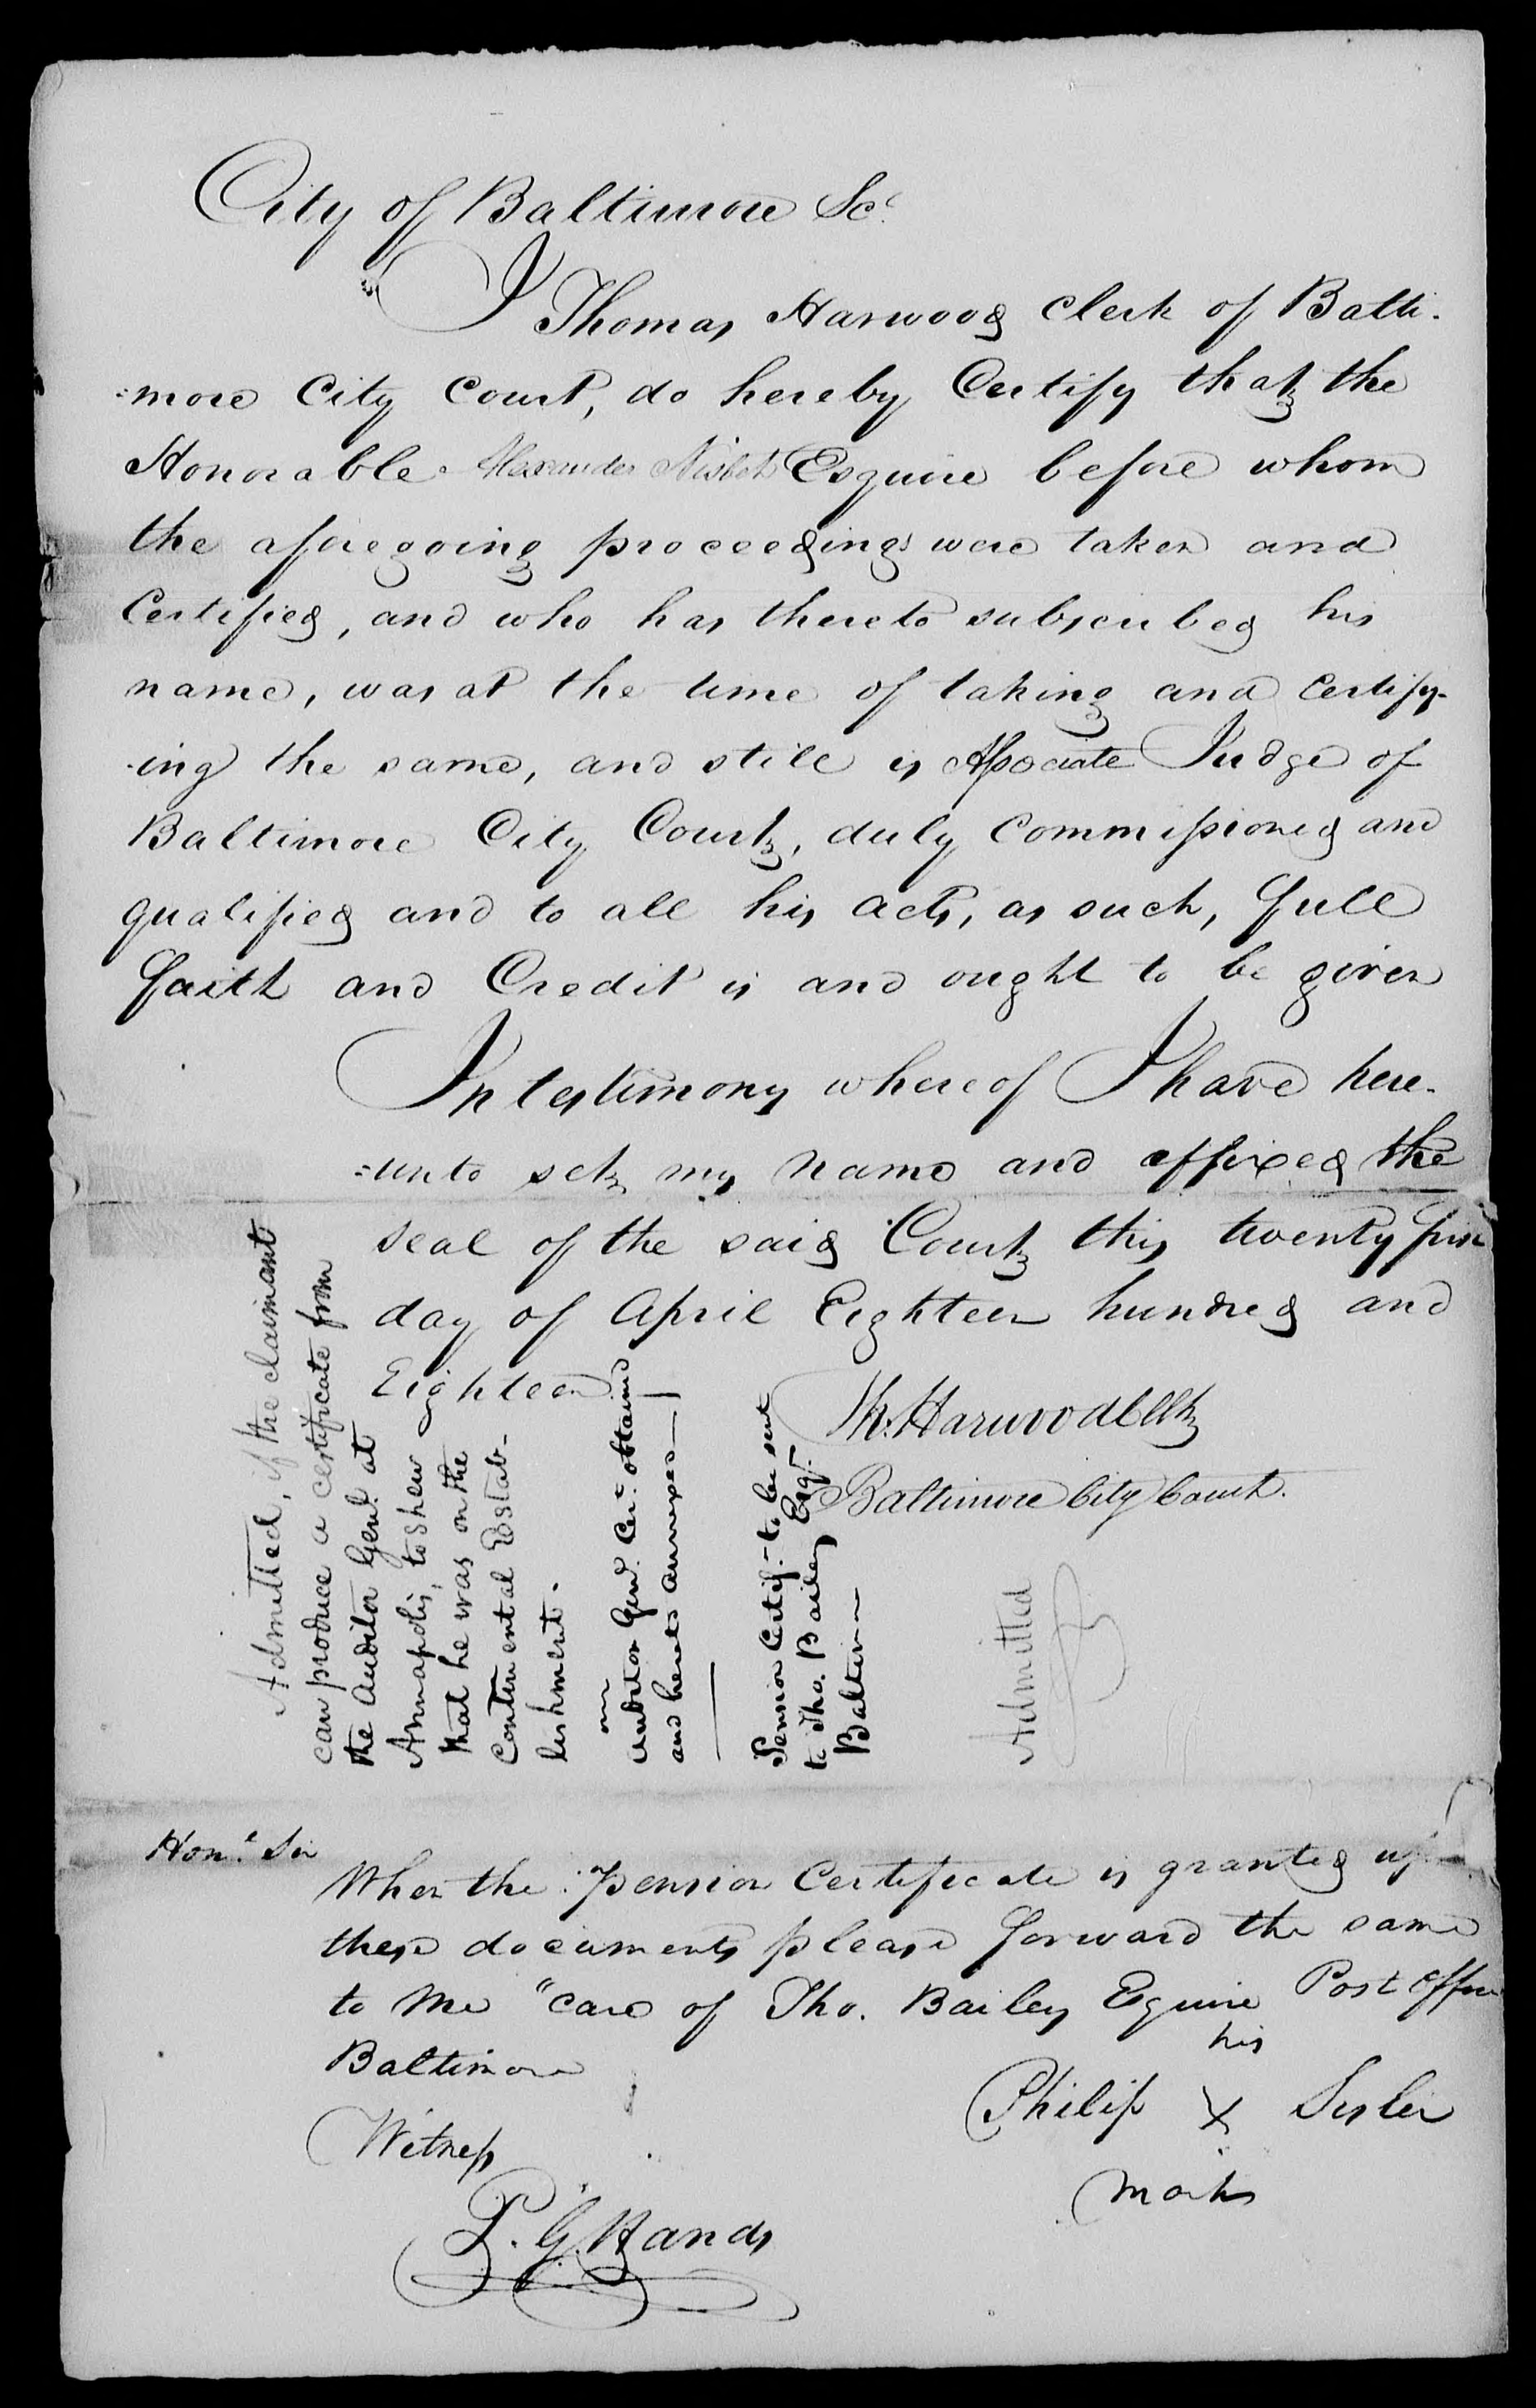City of Baltimore Sct.
I Thomas Harwood Clerk of Baltimore City Court, do hereby Certify that the
Honorable Alexander Nisbet Esquire before whom the aforegoing proceedings were taken and Certified, and who has thereto subscribed his name, was at the time of taking and certifying the same, and still is Associate Judge of Baltimore City Court, duly commissioned and qualified and to all his acts, as such, full faith and credit is and ought to be given
In testimony whereof I have hereunto set my name and affixed the seal of the said Court this twenty fir[illegilbe] day of April Eighteen hundred and Eighteen.--
Ths. Harwood
Baltimore City Court.

[at right angles has been written]
Admitted, if the claimant can produce a certificate from the Auditor Genl. at Annapolis, to shew that he was on the Continental Establishment.
---
Auditor Genl. Cert. obtained and hereunto annexed--
---
Pension Certif. to be sent to Thos. Bailey Esqr Baltimore

Admitted
[end right angle text]

Honl. Sir
When the Pension Certificate is granted [illegible] these documents please forward the same to me "care of Thos. Bailey Esquire Post Office Baltimore
Philip his X mark Sisler
Witness   P. G. Hands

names: Thomas Harwood, Tho Bailey, Alexander Nisbet, Philip Sisler, Th Harwood, P G Hands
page: 15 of 26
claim: survivor's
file: S. 34,725, John Curtis, Md.